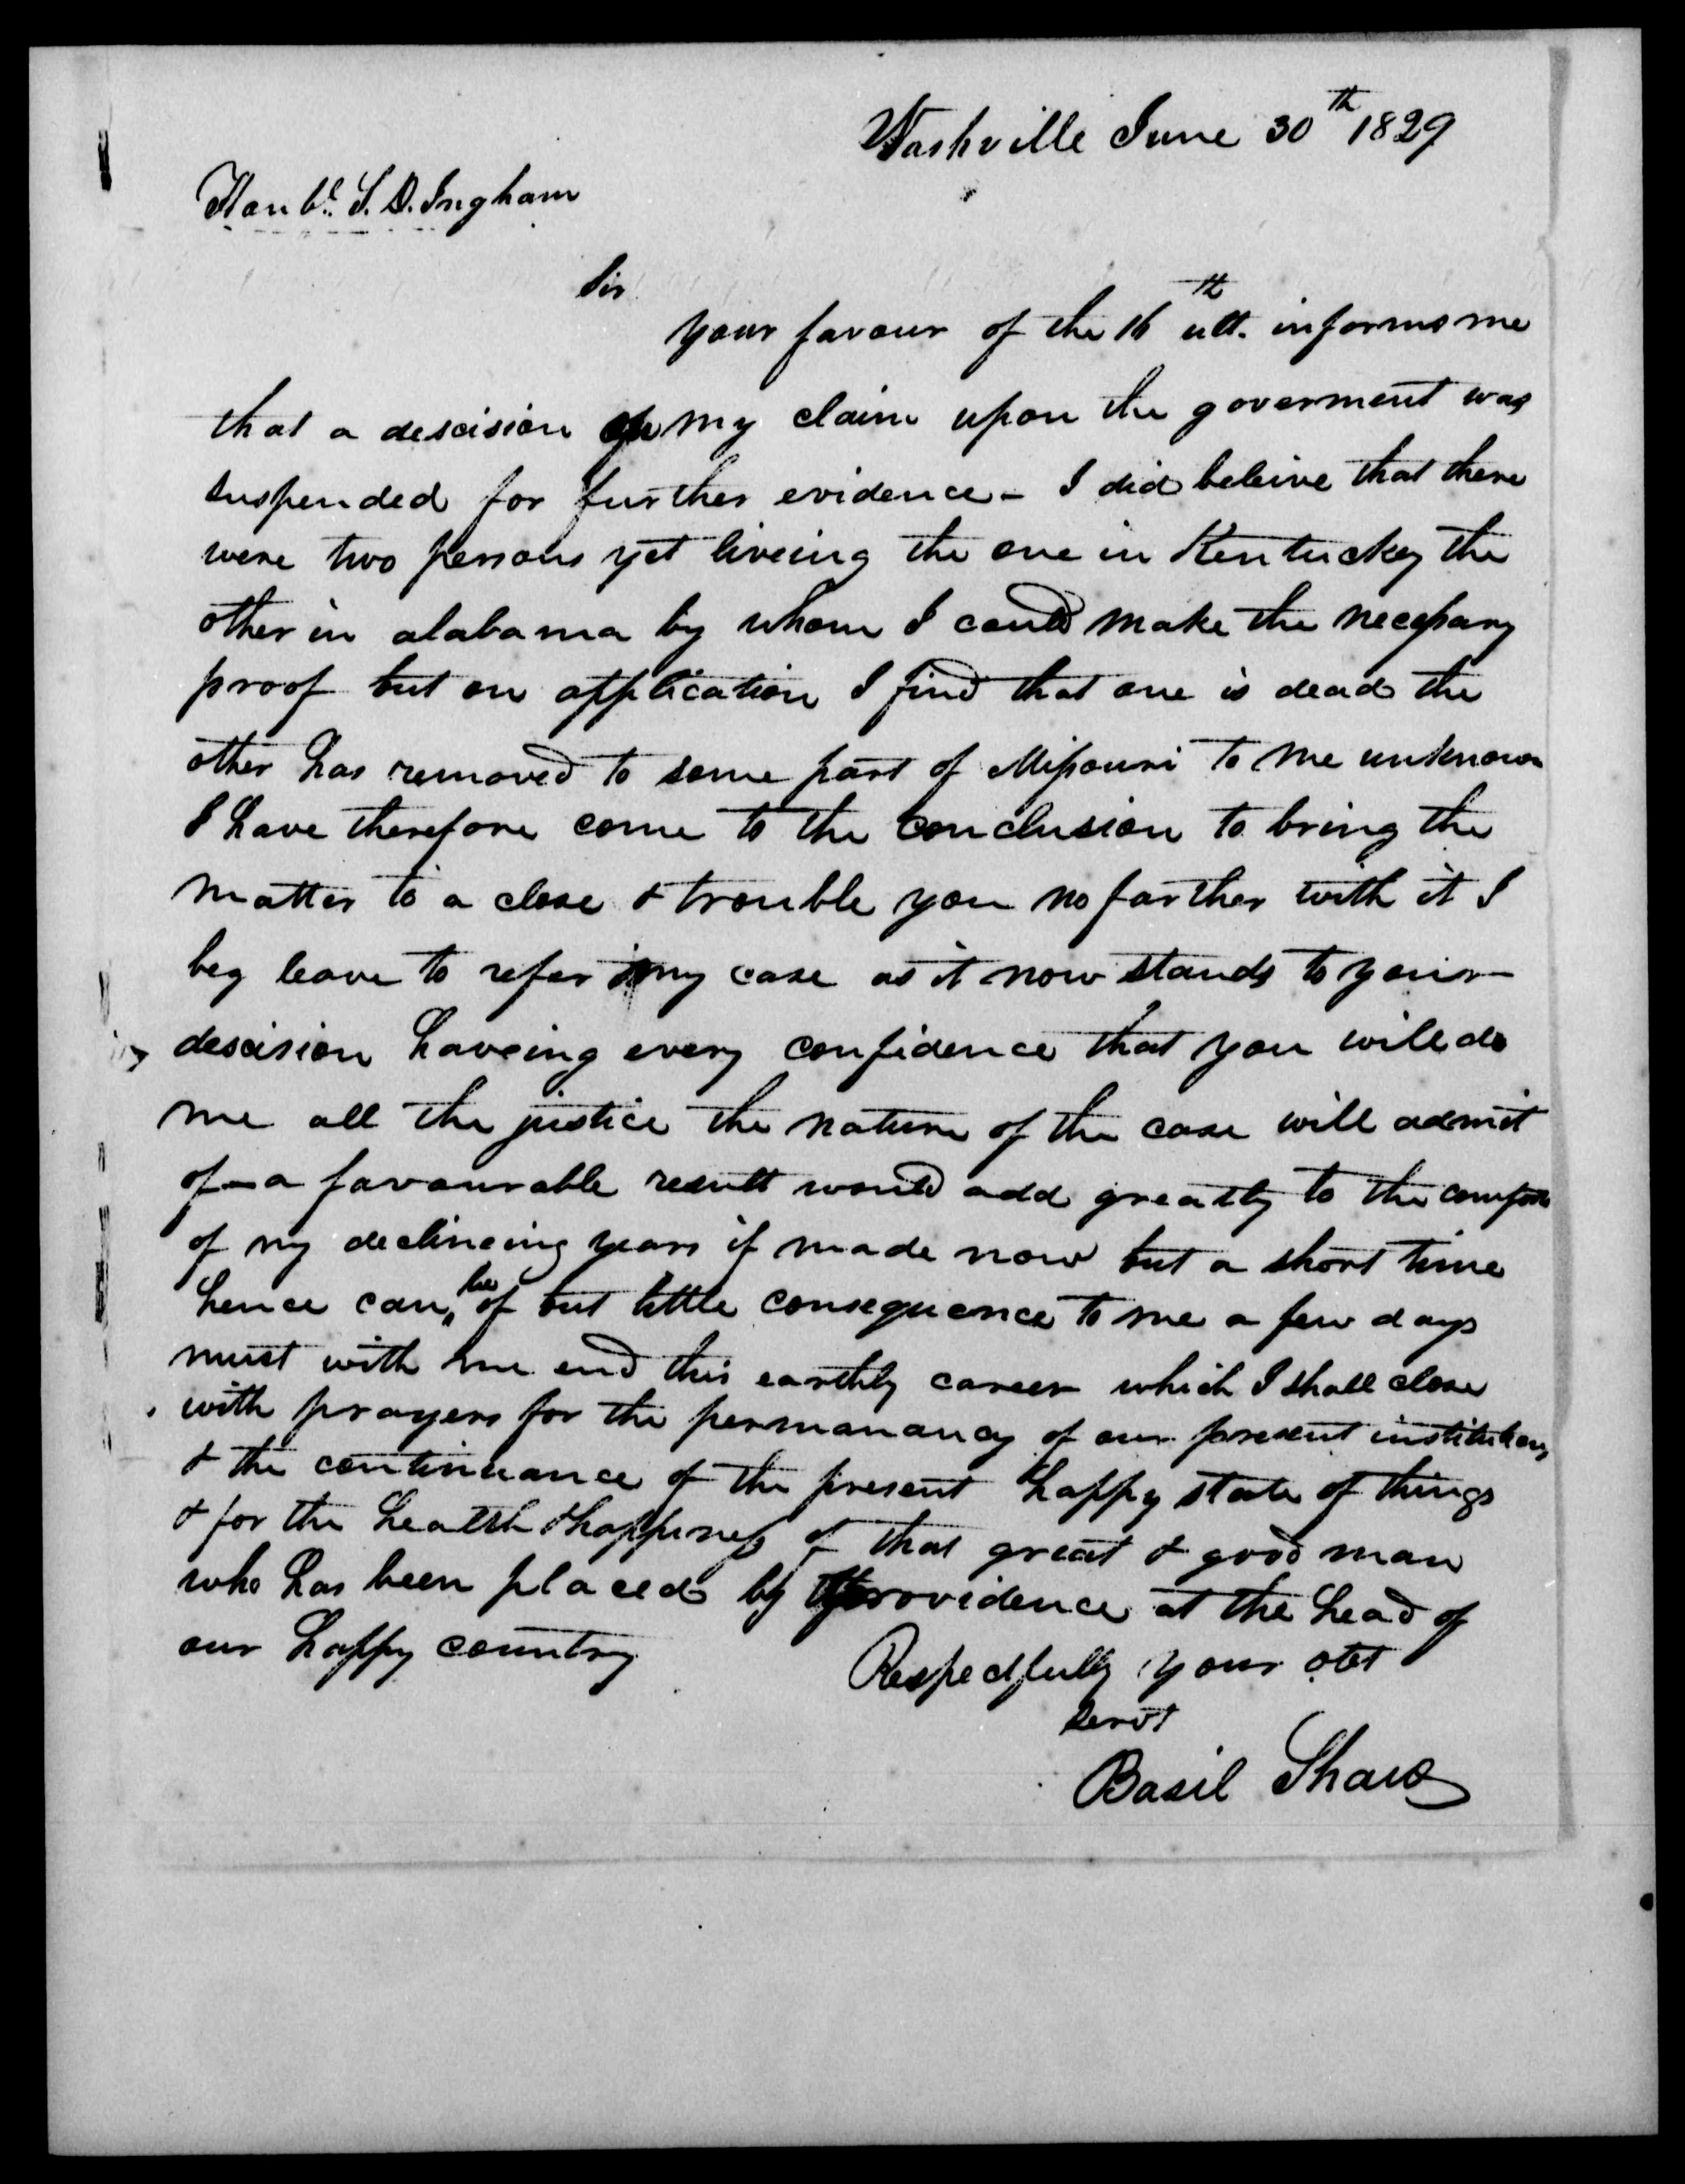Nashville June 30th 1829
Honbl. S.D. Ingham
Sir
Your favour of the 16th [?] informed me
that a decision of my claim upon the government was
suspended for further evidence - I did believe that there
were two persons yet living the one in Kentucky the
other in Alabama by whom I could make the necessary
proof but on application I find that one is dead the
other has removed to some part of Missouri to me unknown
I have therefore come to the conclusion to bring the
matter to a close and trouble you no farther with it I
beg leave to refer my case as it now stands to your
decision having every confidence that you will do
me all the justice the nature of the case will admit
of a favourable result would add greatly to the comfort
of my declining years if made now but a short time
hence can be of but little consequence to me a few days
must with me and this earthly career which I shall close
with prayers for the permanency of our present institutions
and the continuance of the present happy state of things
and for the health and happiness of that great and good man
who has been placed by providence at the head of
our happy country
Respectfully your obt. servt.
Basil Shaw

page: 18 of 32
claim: survivor's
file: S. 16,526, for Basil Shaw, Maryland